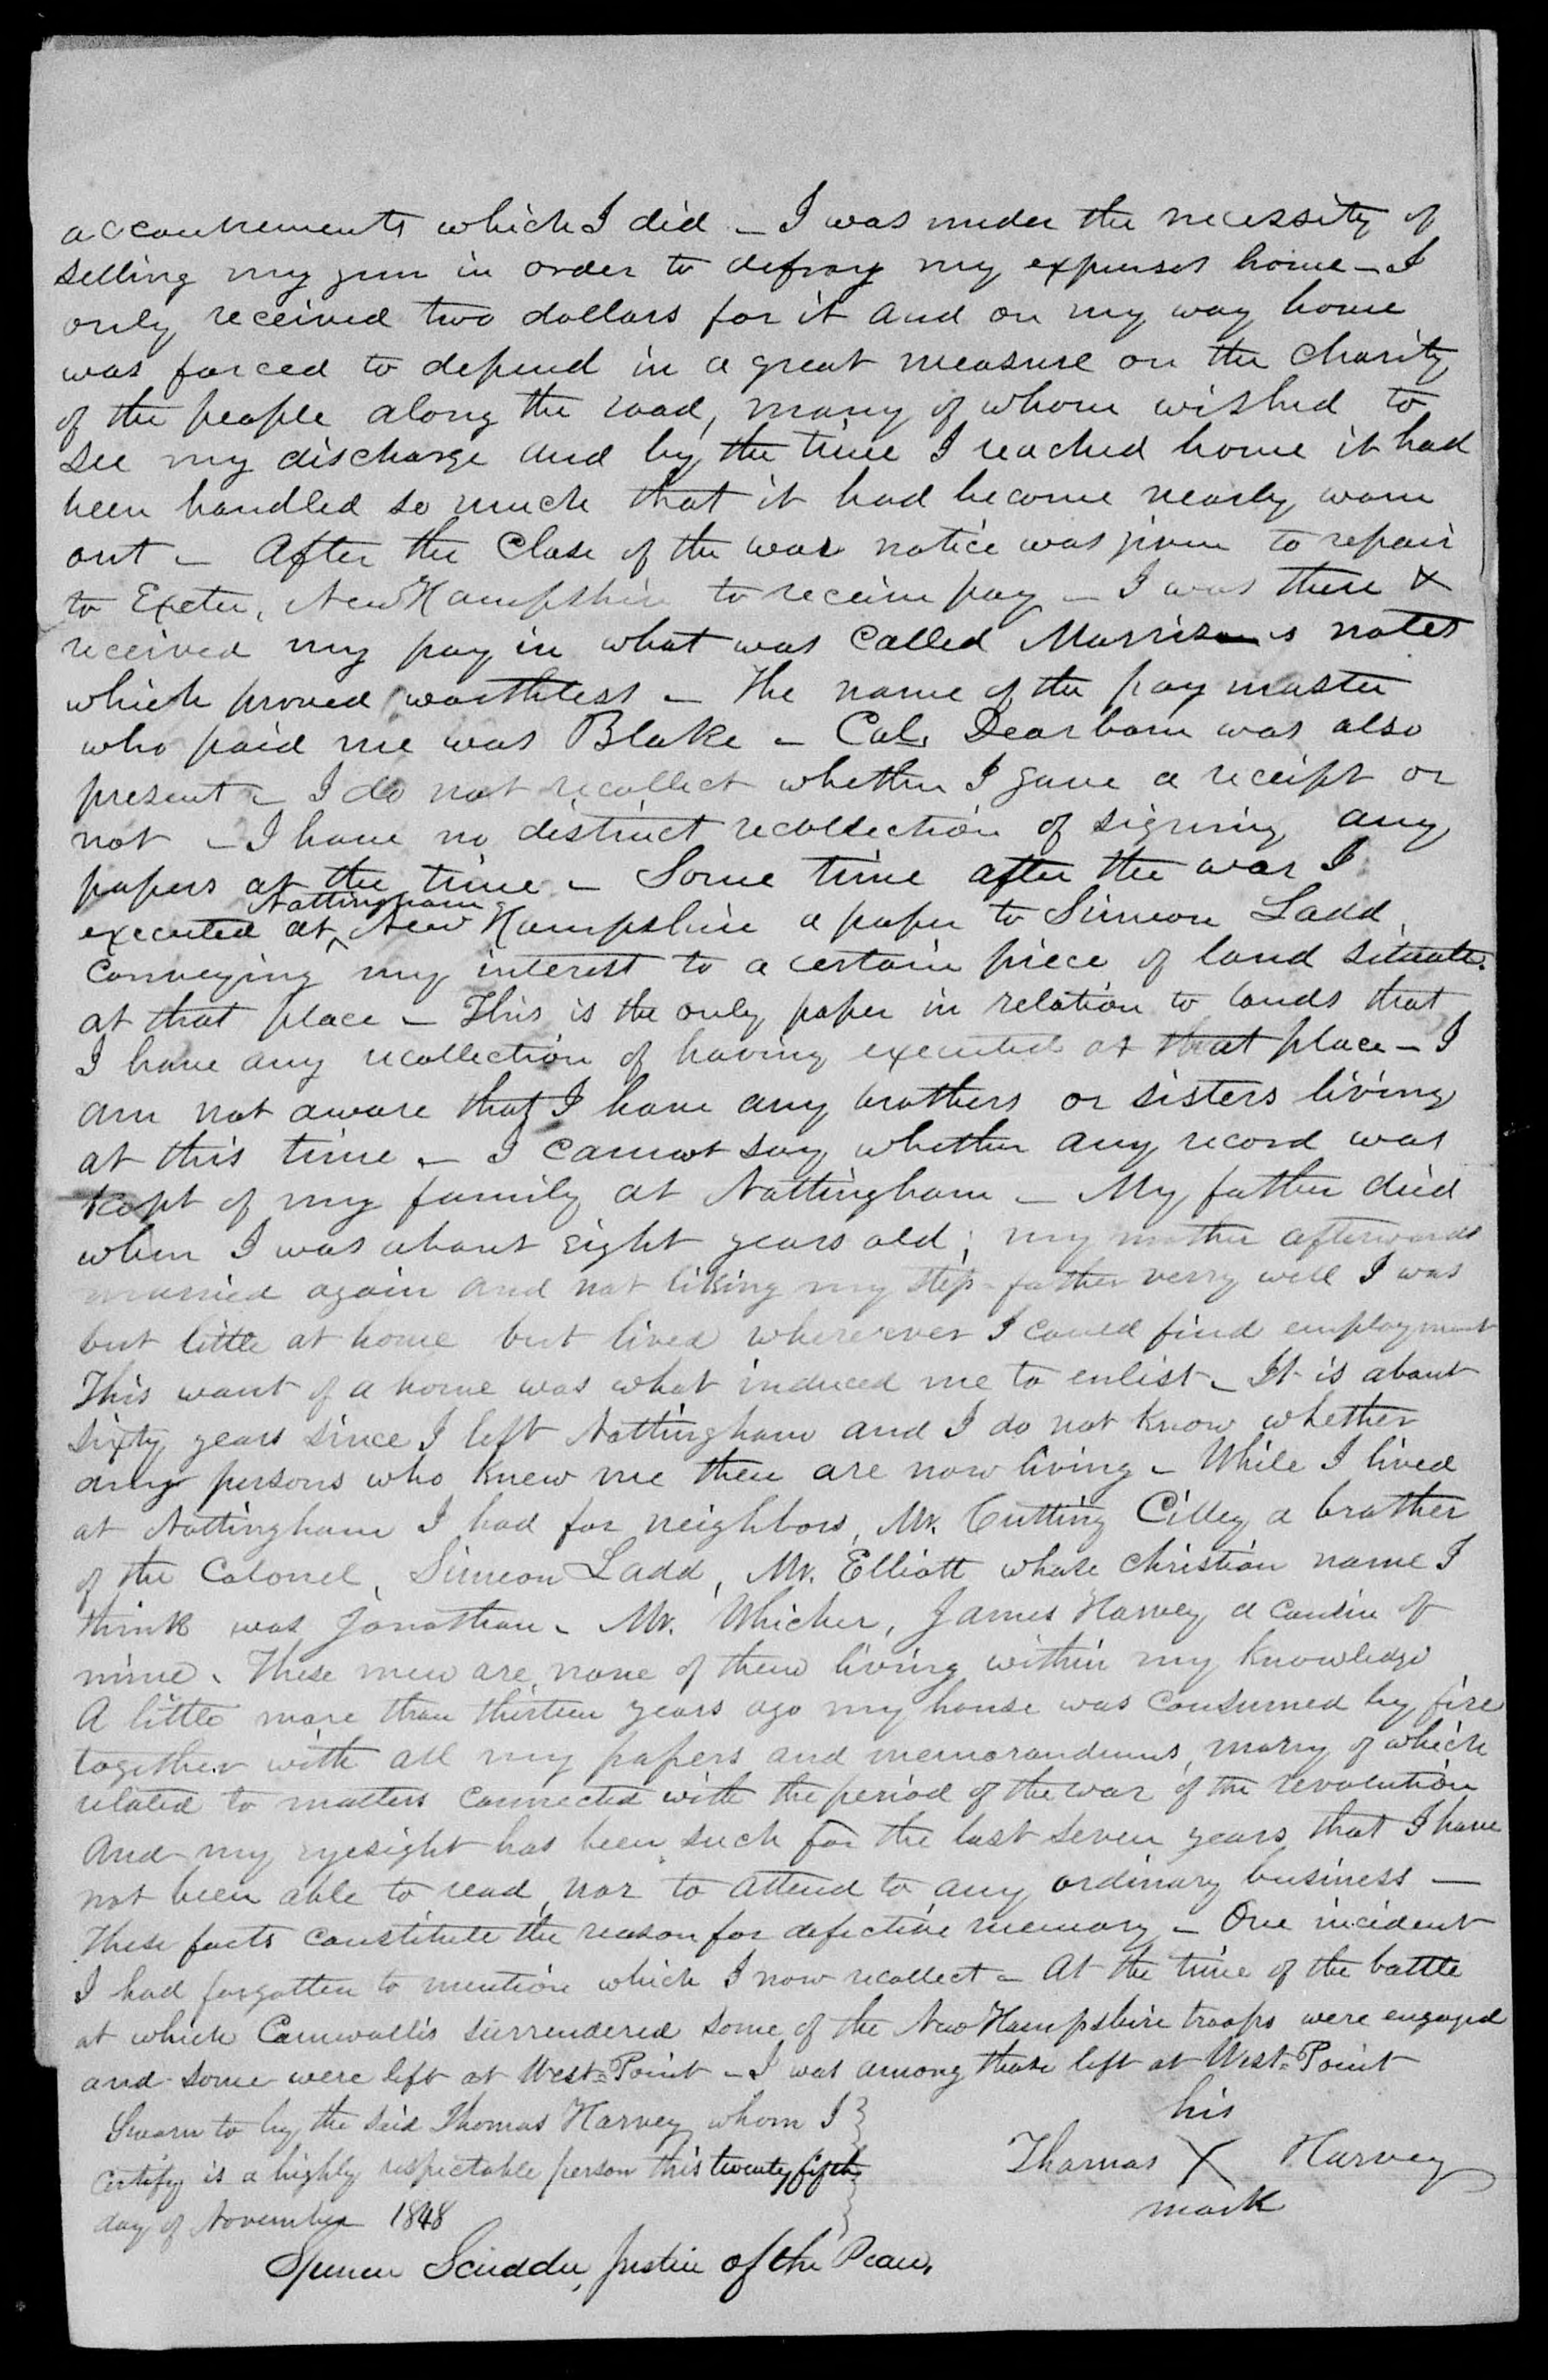accoutrements which I did - I was under the necessity of selling my gun in order to defray my expenses home - I only received two dollars for it and on my way home was forced to depend in a great measure on the charity of the people along the road, many of whom wished to see my discharge and by the time I reached home it had been handled so much that it had become nearly worn out - After the close of the war notice was given to repair to Exeter, New Hampshire to receive pay - I was there & received my pay in what was called Morris's notes which proved worthless - the name of the pay master who paid me was Blake - Col. Dearborn was also present - I do not recollect whether I gave a receipt or not - I have no distinct recollection of signing any papers at the time - Some time after the war I executed at Nottingham New Hampshire a paper to Simeon Ladd, conveying my interest to a certain piece of land situated at that place - This is the only paper in relation to lands that I have any recollection of having executed at that place - I am not aware that I have any brothers or sisters living at this time - I cannot say whether any record was kept of my family at Nottingham - My father died when I was about eight years old; my mother afterwards married again and not liking my step-father verry well I was but little at home but lived where ever I could find employment 
This want of a home was what induced me to enlist - It is about sixty years since I left Nottingham and I  do not know whether any persons who knew me there are now living - While I lived at Nottingham I had for neighbors, Mr. Cutting Cilley a brother of the Colonel, Simeon Ladd, Mr. Elliott whole christian name I think was Jonathan - Mr. Whicher (Whitcher), James Harvey a cousin of mine. These men are none of them living within my knowledge 
A little more than thirteen years ago my house was consumed by fire together with all my papers and memorandums, many of which related to matters connected with the period of the war of the revolution And my eyesight has been such for the last seven years that I have not been able to read nor to attend to any ordinary business - 
These facts constitute the reason for defective memory - One incident I had forgotten to mention which I now recollect - At the time of the battle at which Cornwall's surrendered some of the New Hampshire troops were engaged and some were left at West Point - I was among those left at West Point 
/s/X his mark Thomas Harvey
Sworn to by the said Thomas Harvey whom I certify is a highly respectable person this twenty fifth day of November 1848}
/s/Spencer Scudder, Justice of the Peace.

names: Elliott, Cornwallis, Whicher, Cutting Cilley, Simeon Ladd, Spencer Scudder, Jonathan, James Harvey, Blake, Simeon Ladd, Thomas Harvey, Dearborn, Thomas Harvey, Morrison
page: 69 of 80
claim: survivor's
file: S. 18008, Thomas Harvey, N.H.